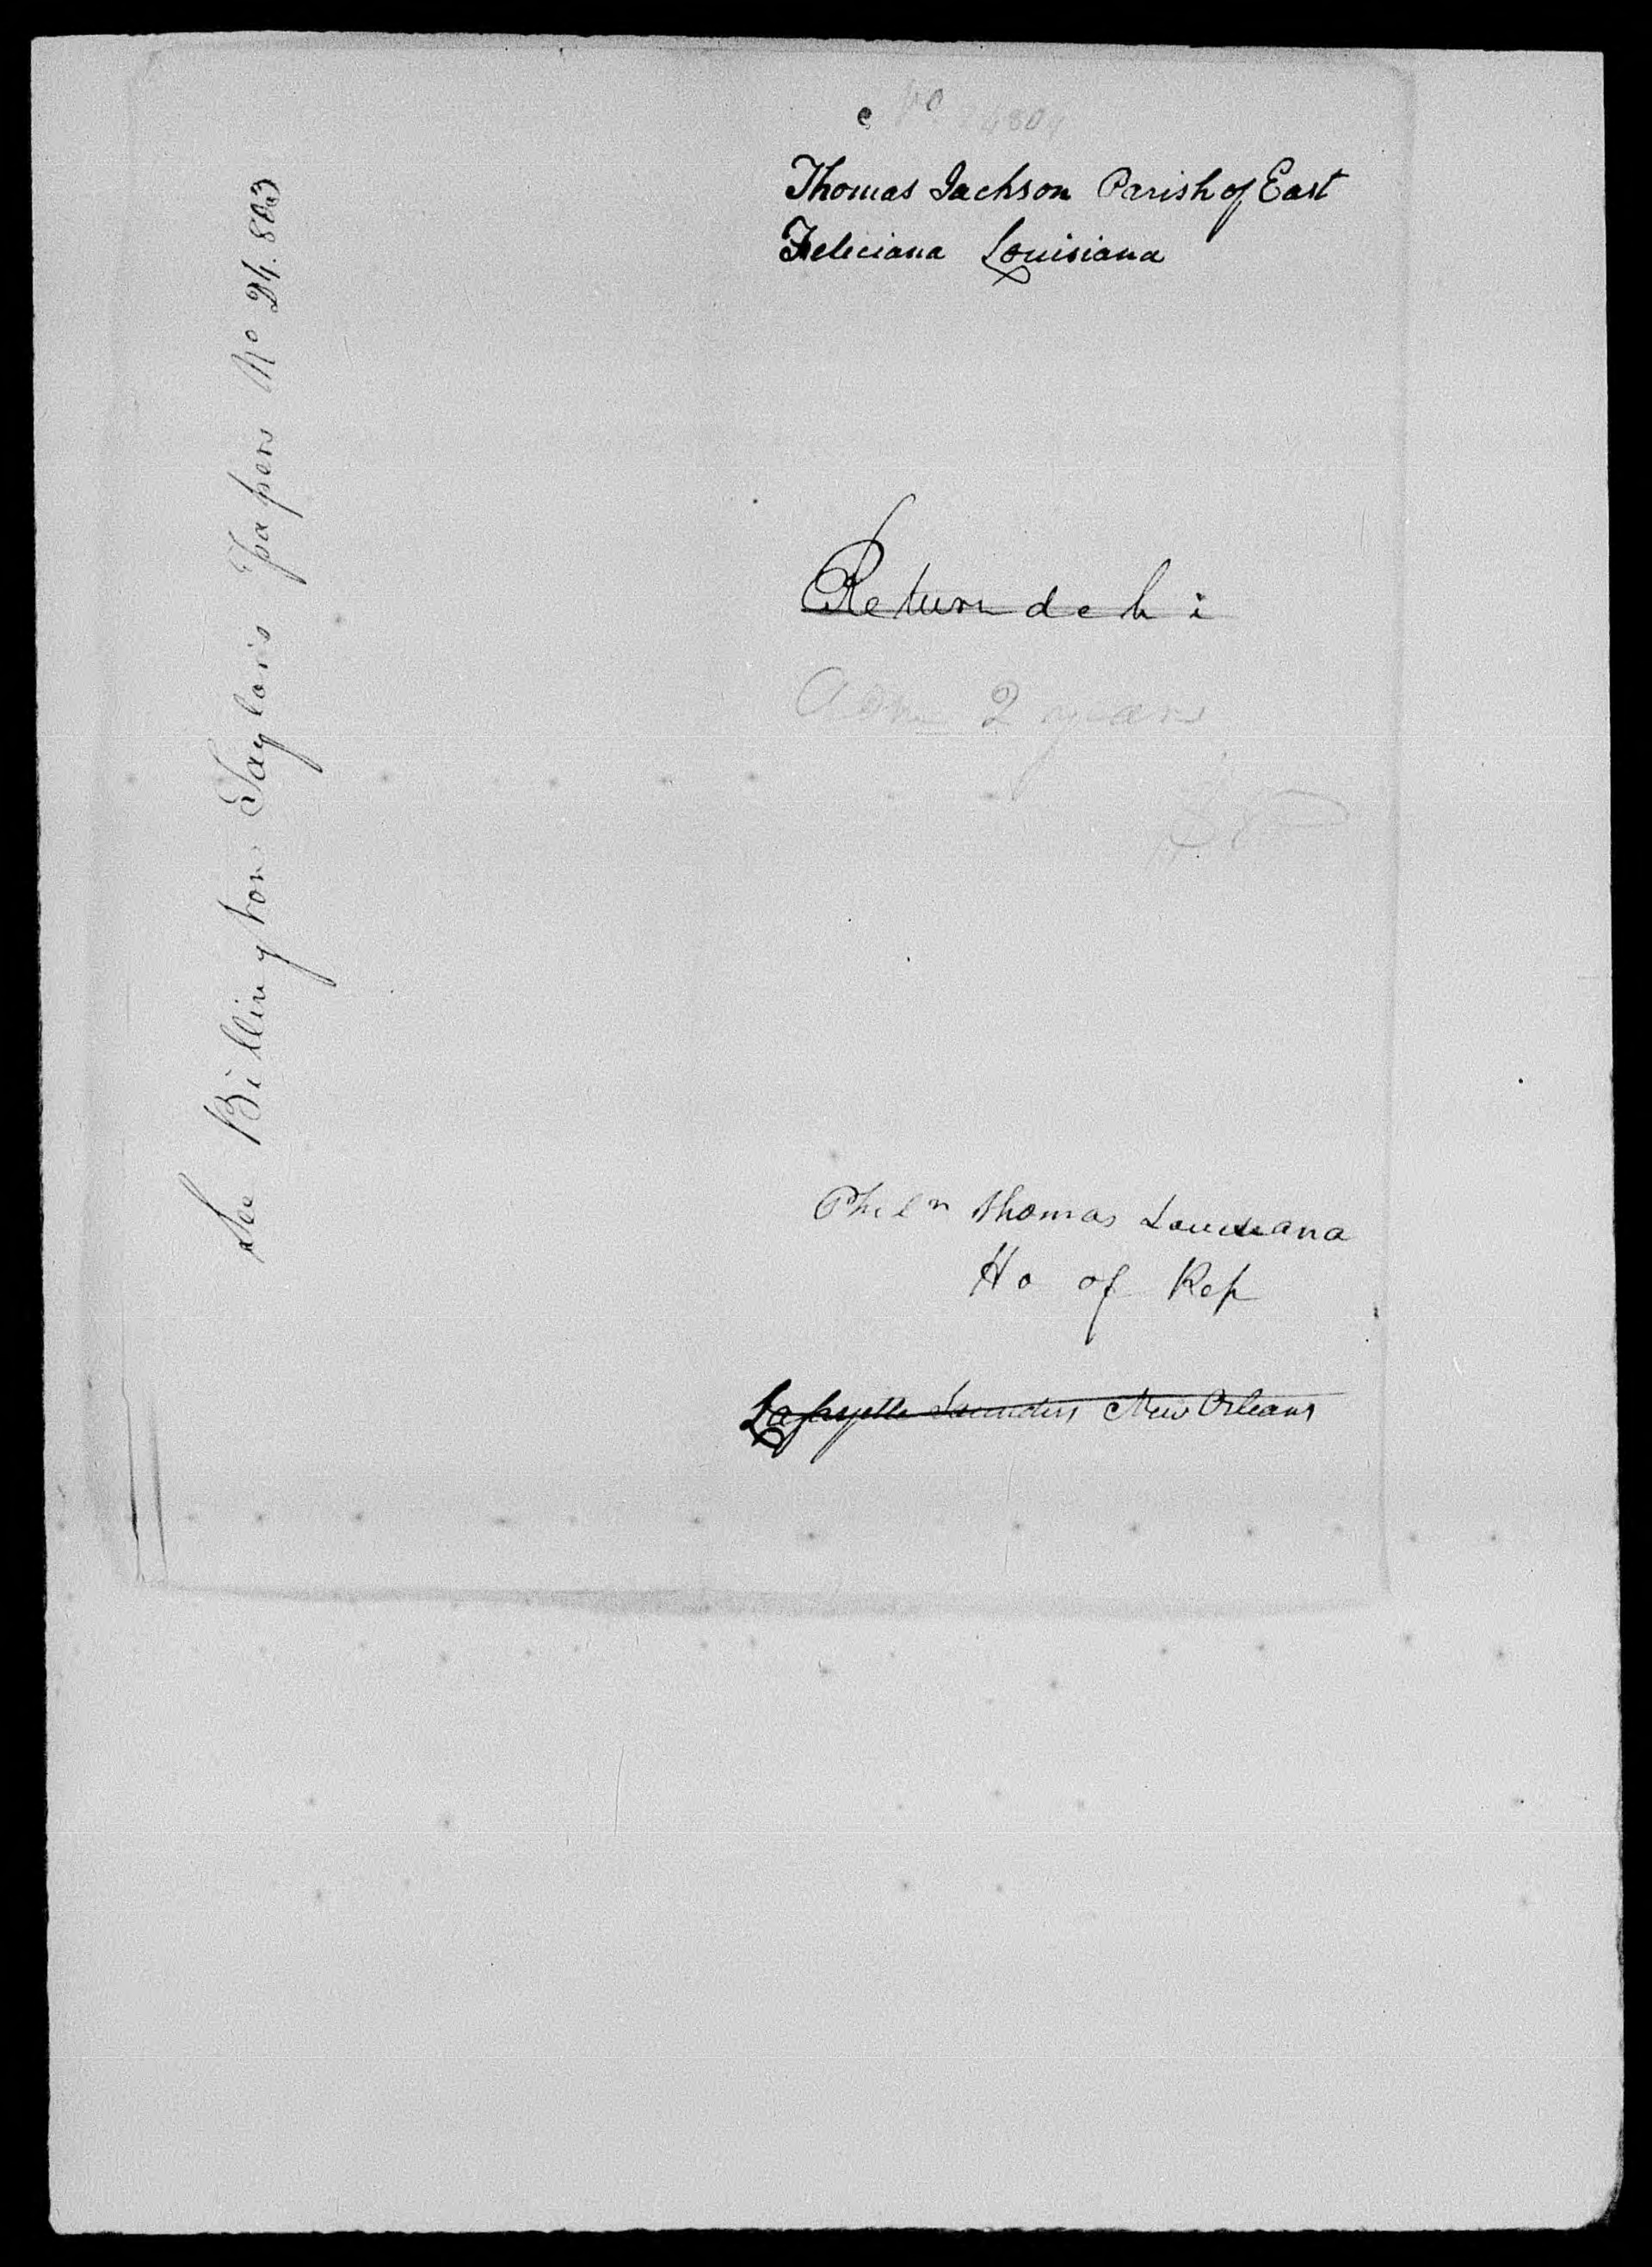[written vertically down the paper]
See billing for Taylor's papers No D4.803

No. 24804
Thomas Jackson Parish of East
Feliciana Louisiana

Return de b i
Aon 2 years
$80

Phe[unreadable] Thomas Louisiana
Ho of Rep

Lafayette [unreadable] New Orleans [line drawn through the sentence]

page: 13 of 54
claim: survivor's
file: S. 31166, for Thomas Jackson, South Carolina